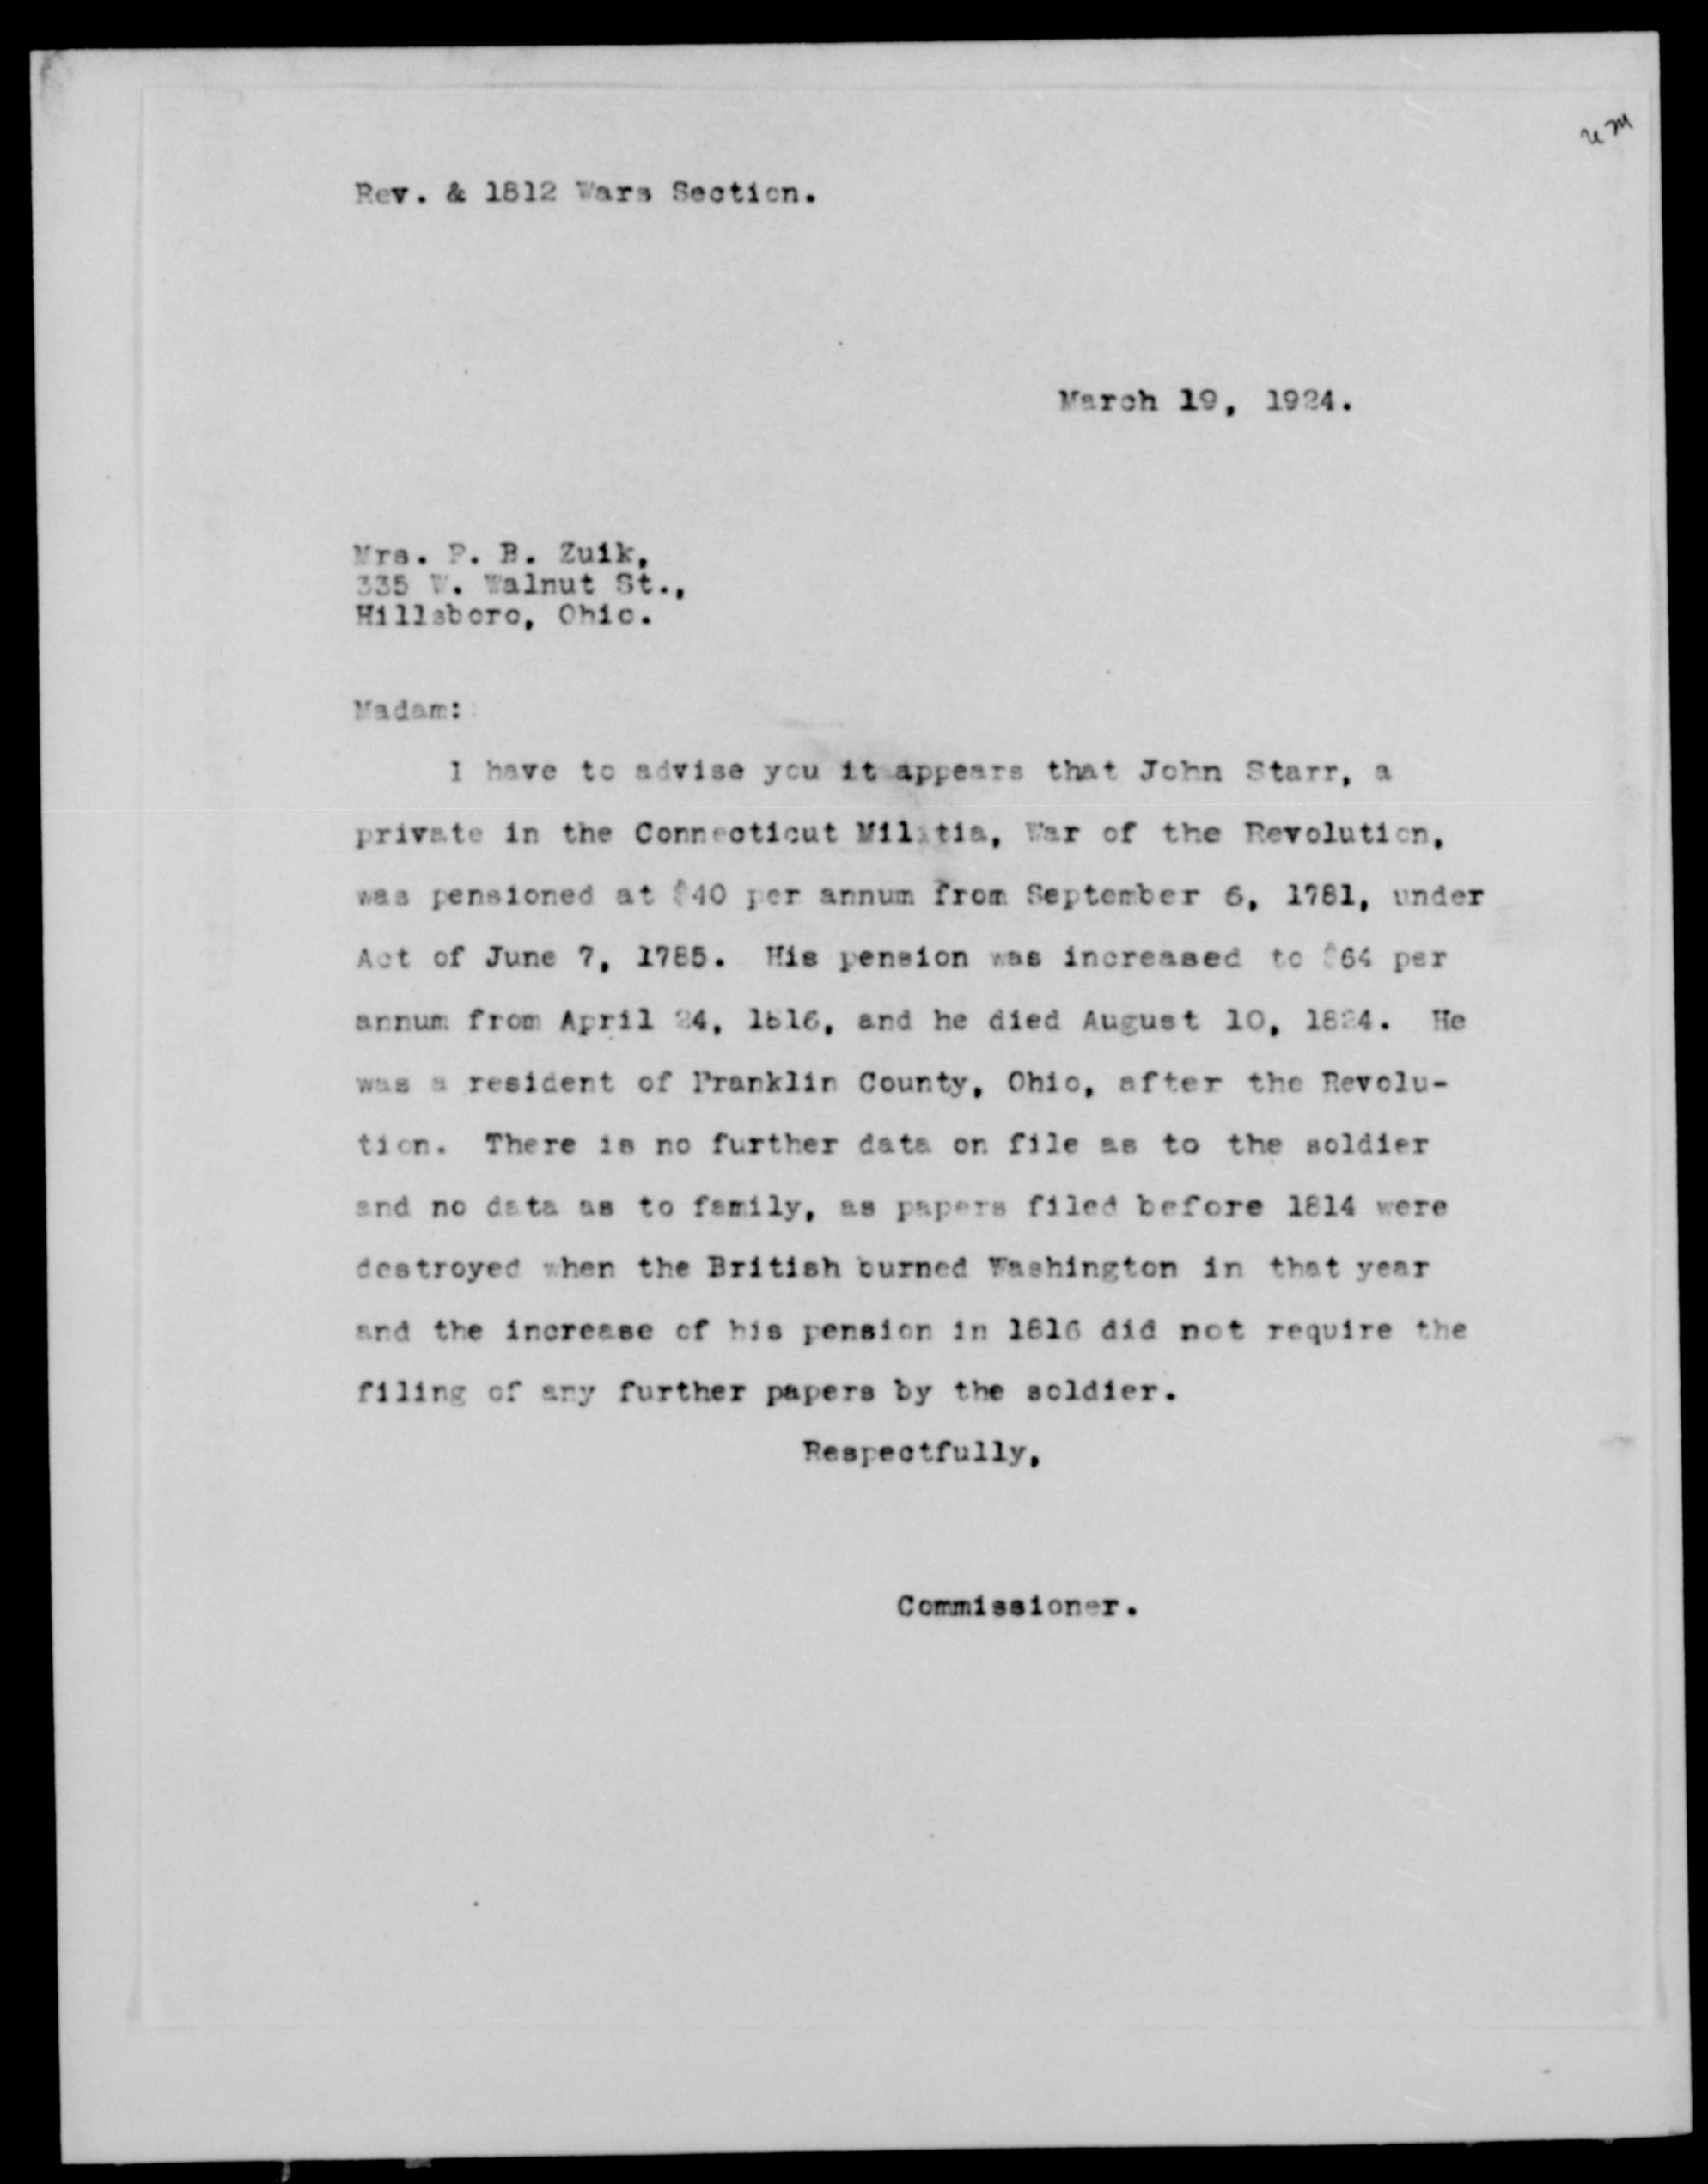Rev. & 1812 Wars Section.
                                                                                     March 19, 1924.

Mrs. P. B. Zuik,
335 W. Walnut St.,
Hillsboro, Ohio.

Madam:
I have to advise you it appears that John Starr, a
private in the Connecticut Militia, War of the Revolution,
was pensioned at $40 per annum from September 6, 1781, under
Act of June 7, 1785. His pension was increased to $64 per
annum from April 24, 1816, and he died August 10, 1824. He
was a resident of Franklin County, Ohio, after the Revolu-
tion. There is no further data on file as to the soldier
and no data as to family, as papers filed before 1814 were
destroyed when the British burned Washington in that year
and the increase of his pension in 1816 did not require the
filing of any further papers by the soldier.
Respectfully,
Commissioner.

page: 7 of 7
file: for John Starr, Connecticut